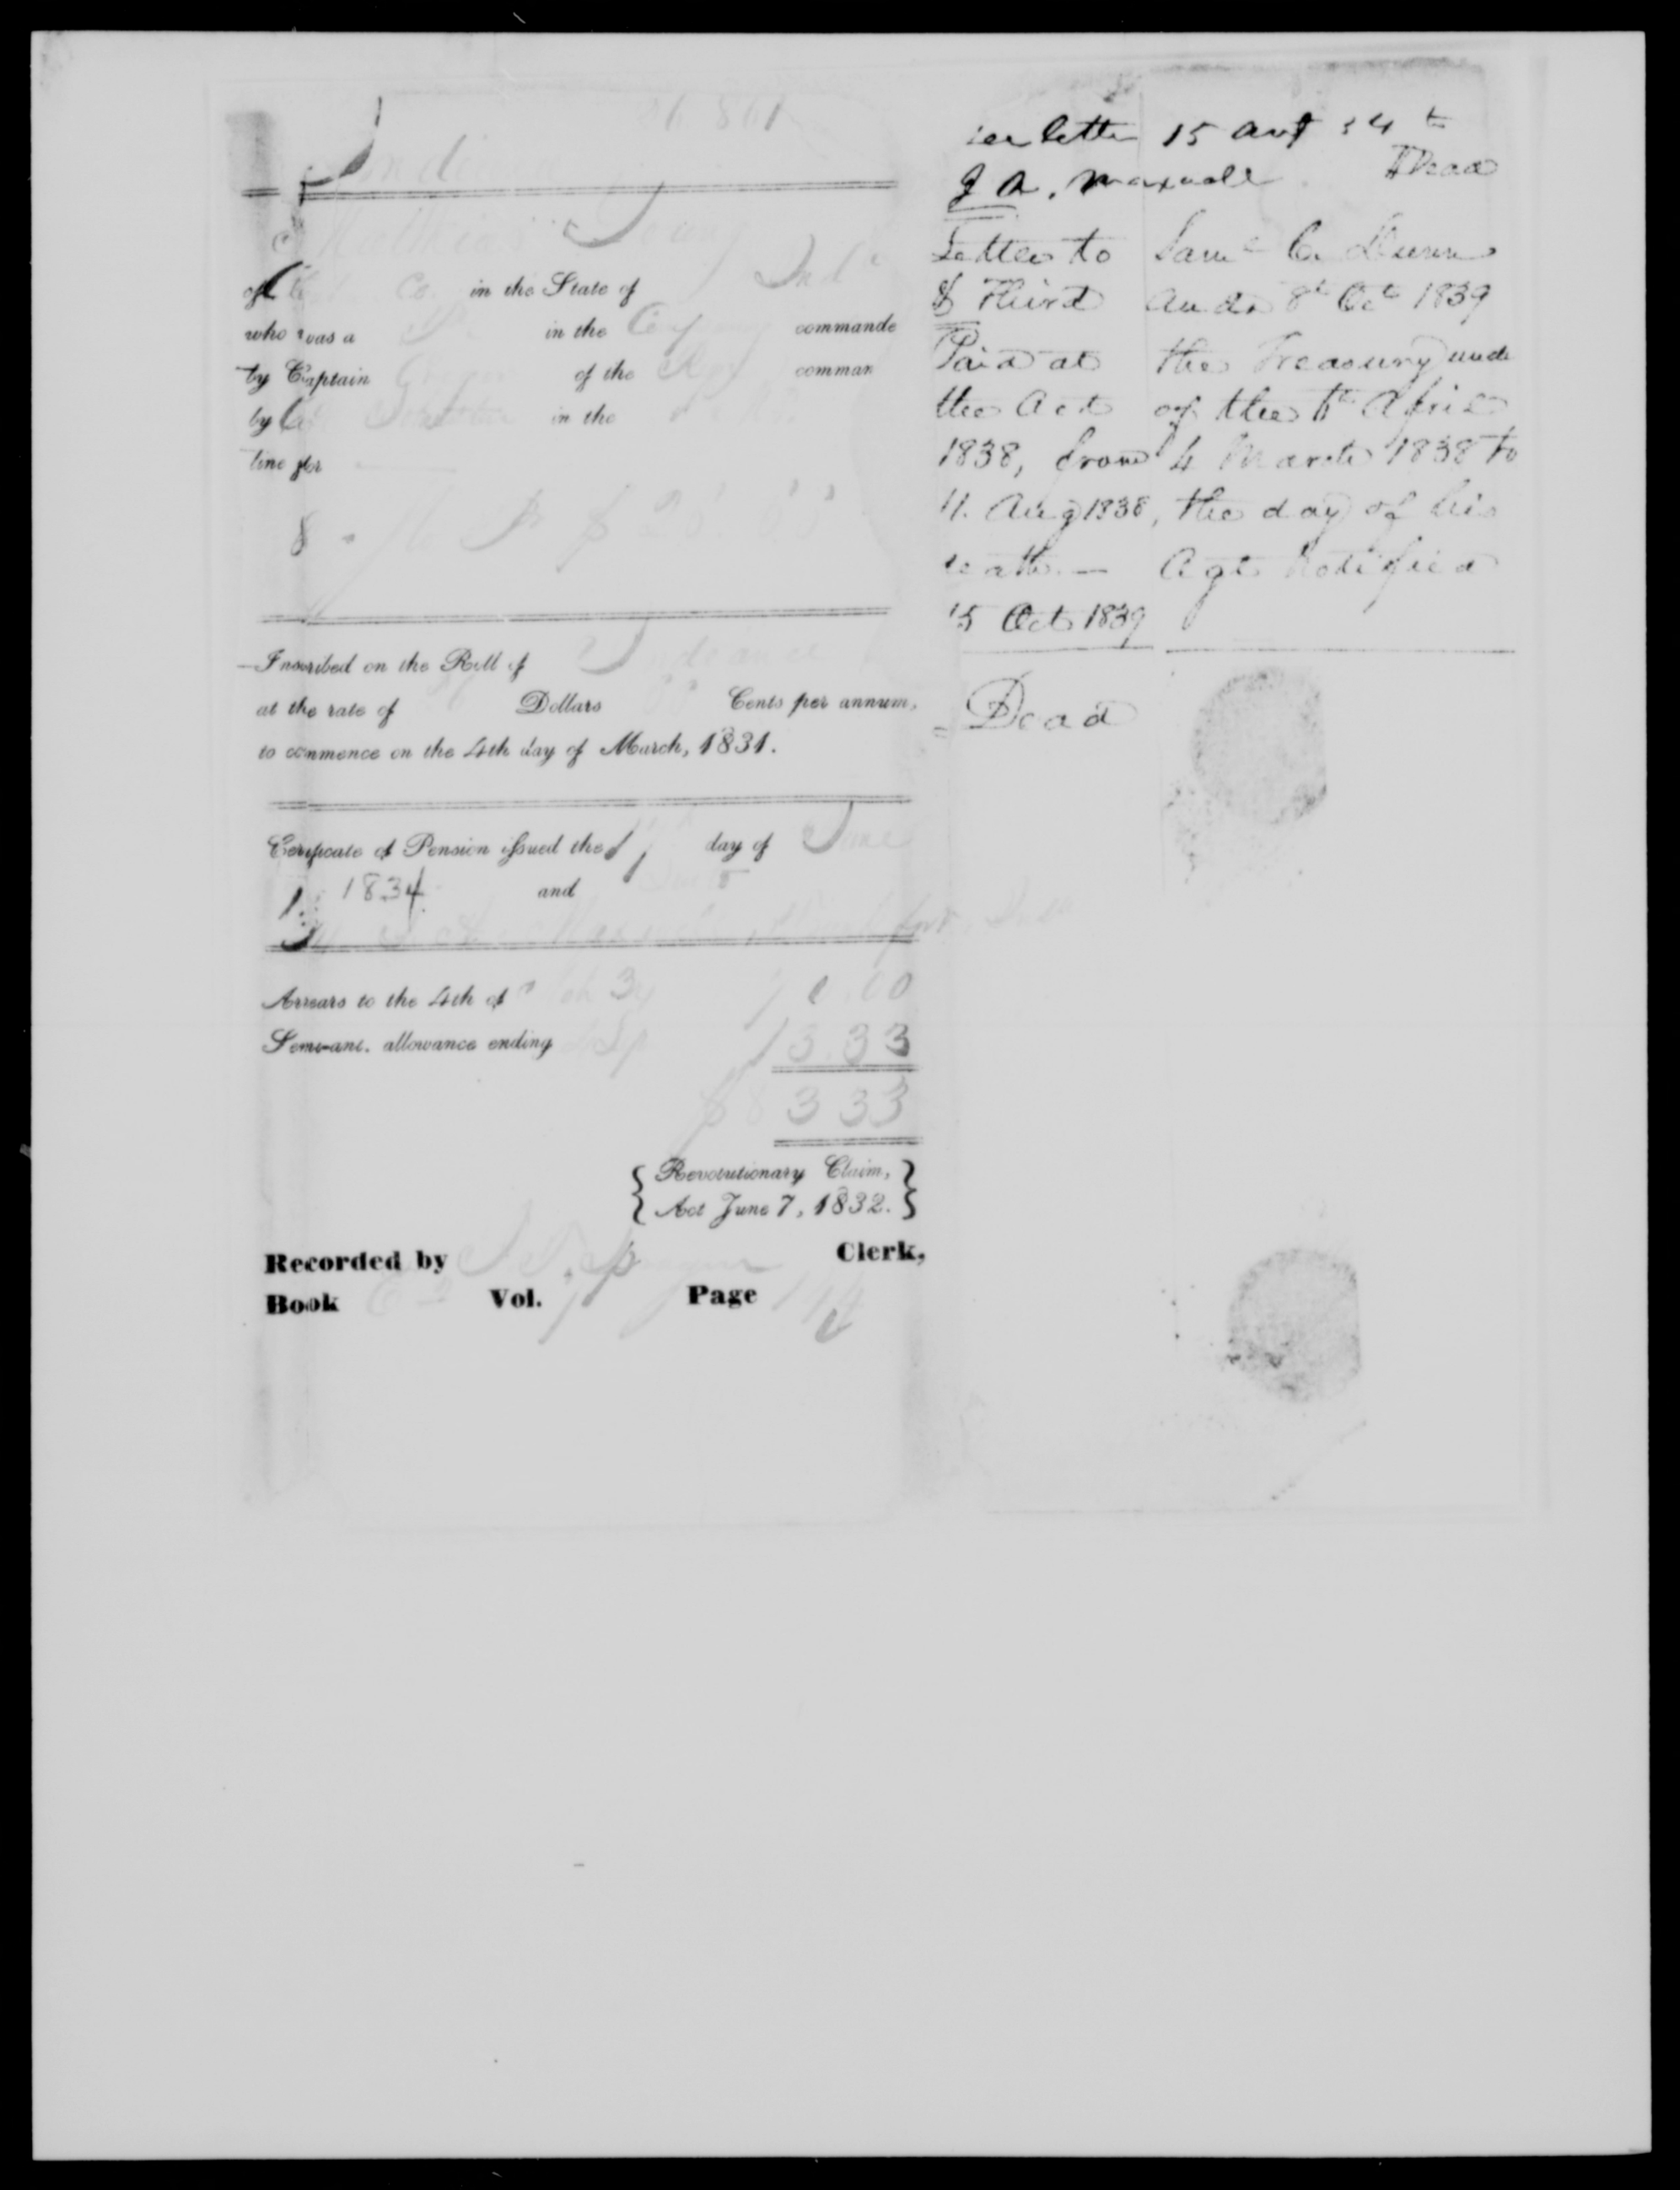1861
Indiana
Matthias Young
Clinton Co in the State of Indiana
who was a Pri in the Company commanded
by Captain Cregor of the Regt commanded
 by Col Johnston in the Md 
line for 8 mo pri $26.66  

Inscribed on the Roll of Indiana
at the rate of 26 Dollars 66 Cents per annum,
to commence on the 4th day of March, 1831.

Certificate of Pension issued the day of June
1834 and sent to James A. Maxwell Frankfort, Indiana

Arrears to the 4th of Mch 34  70.00
Semi-anl. allowance ending 4 Sep 13.33
$83.33

{Revolutionary Claim Act June 7, 1832} 

Recorded by J T Sprague Clerk,  
Book C 2 Vol 7 Page 114

see letter 15 Aug 34 to 
J A. Maxwell    Dead
Letter to Saml C. Dunn
& Third Aud’r 8th Oct 1839
Paid at the Treasury under the
Act of the 6th April 1838, from 4 March
 1838 to 11. Aug 1838, the day of his
death. Agt Notified
15 Oct 1839
Dead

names: Saml C Dunn, Matthias Young, J T Sprague, Hard, J A Maxwell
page: 2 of 123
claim: rejected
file: R. 11,949, Matthias Young, Md.